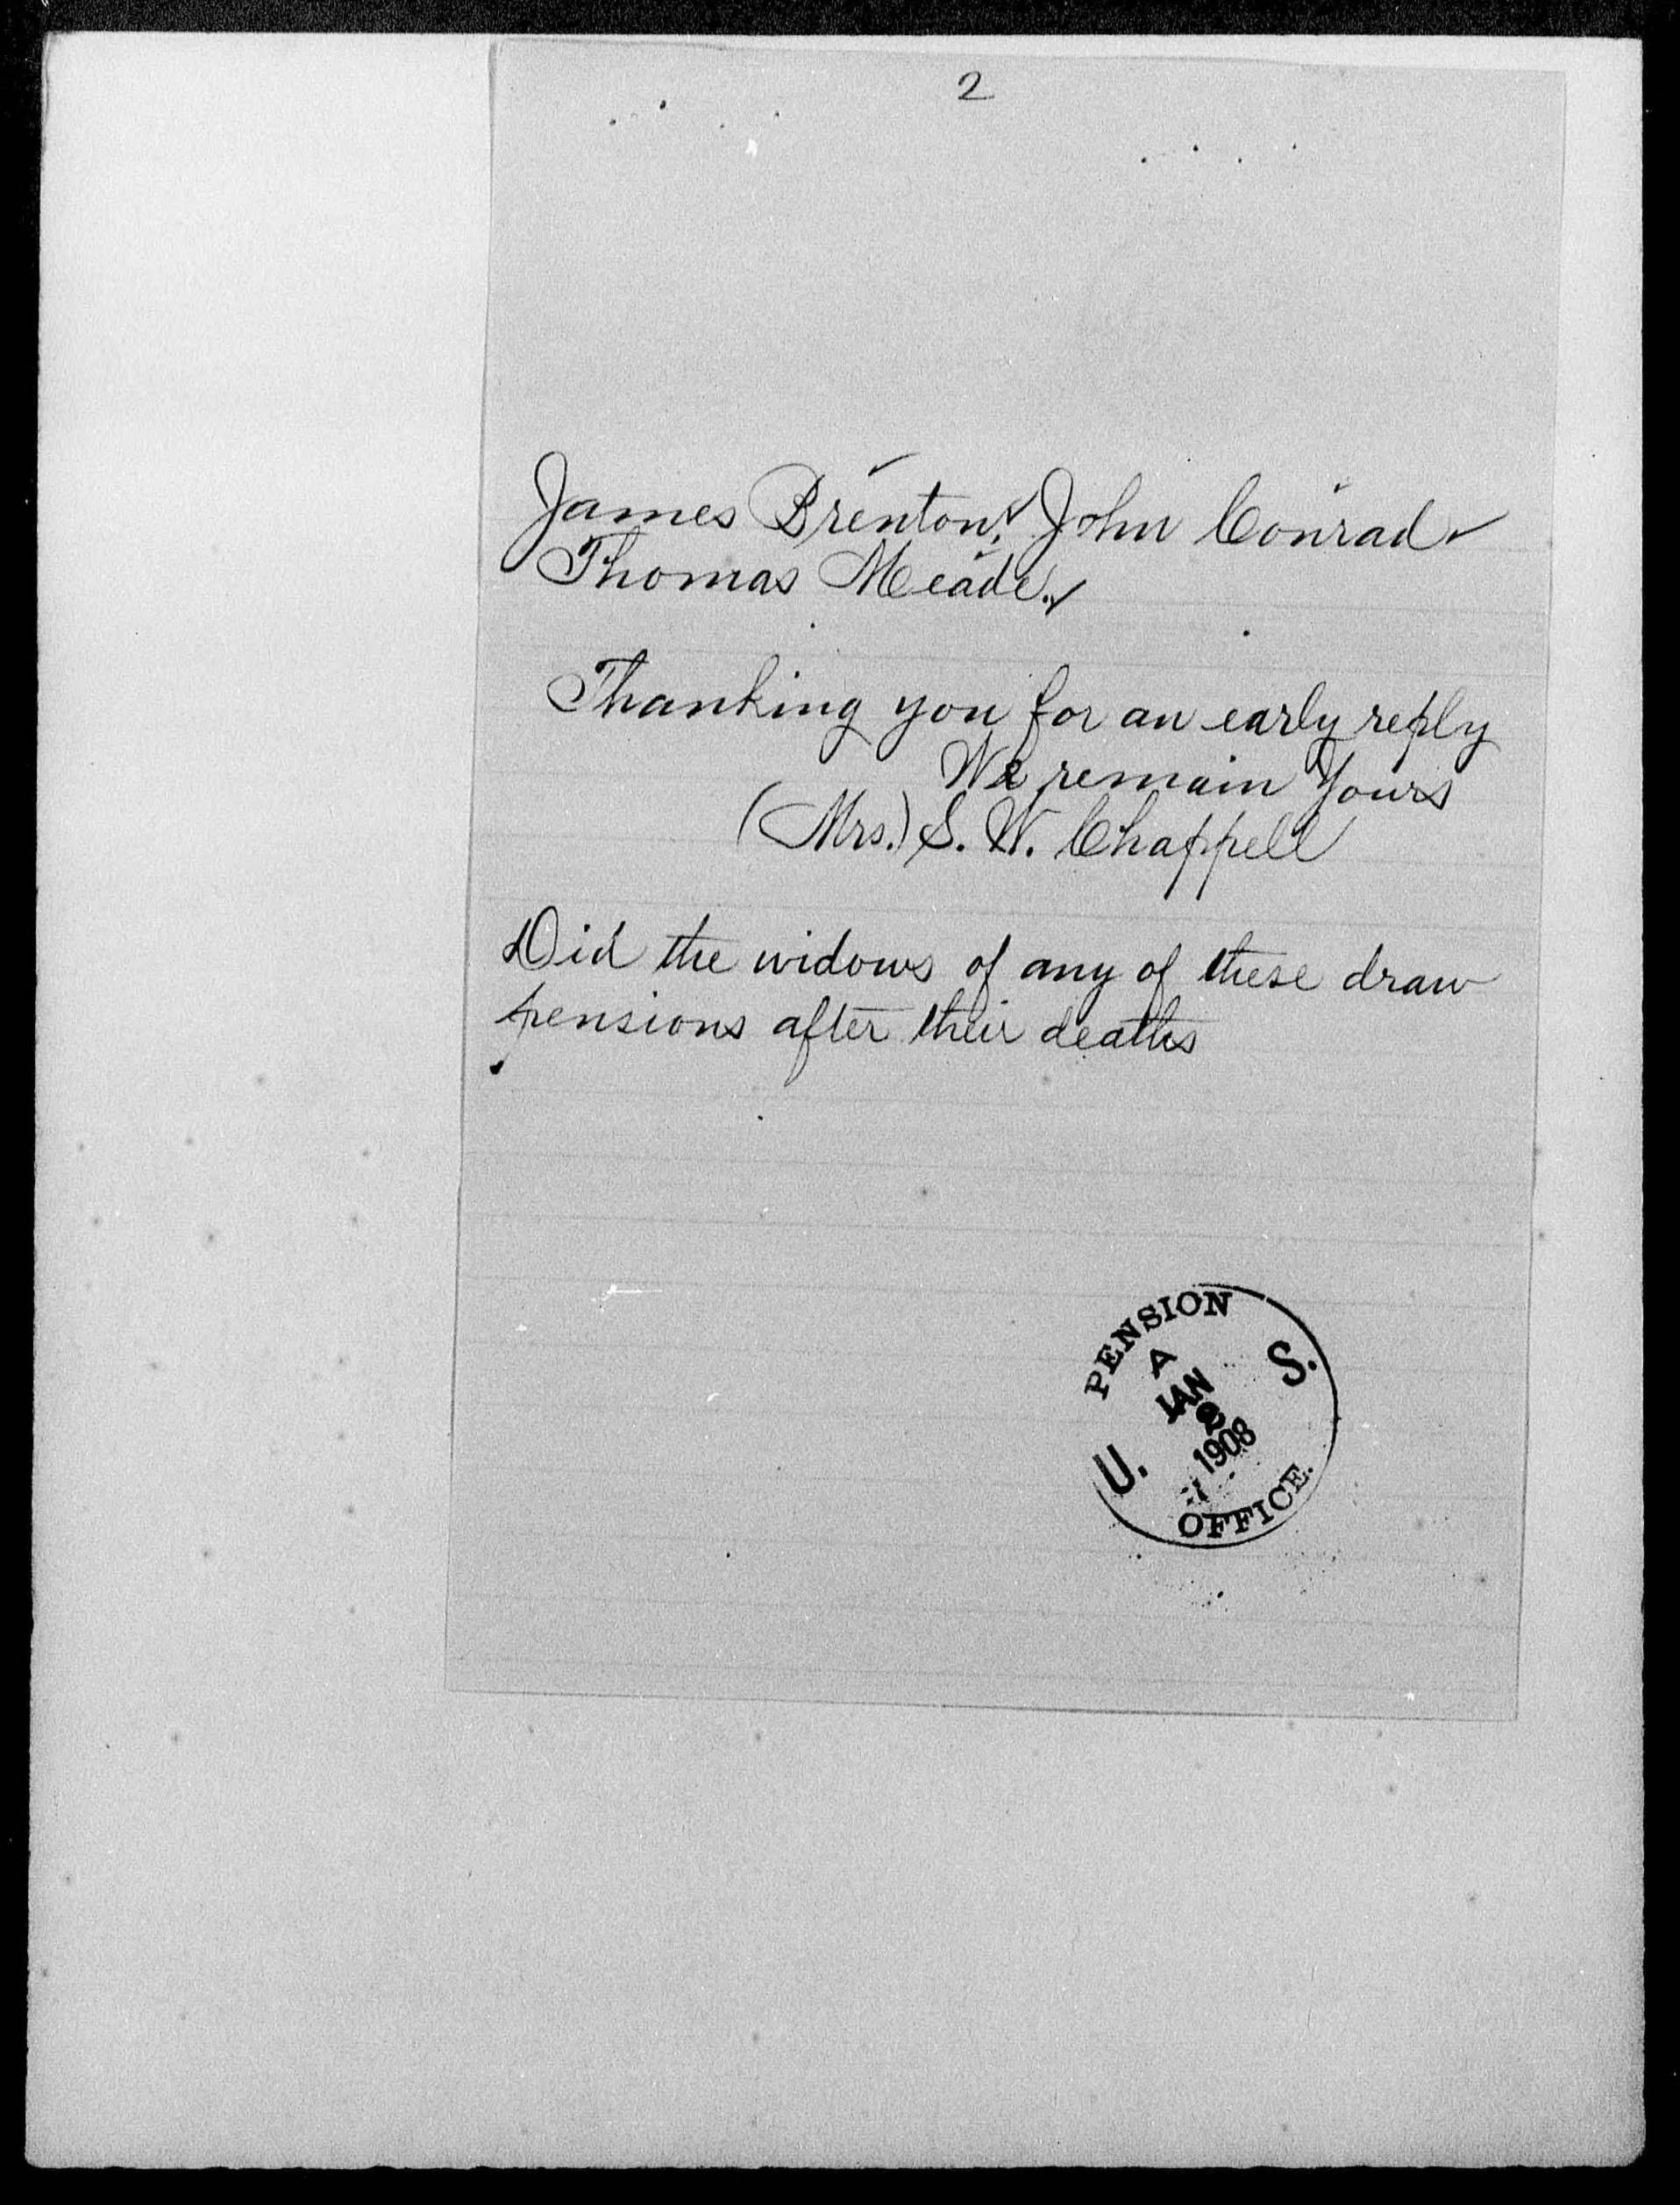James Brenton, John Conrad, Thomas Mead.
Thanking you for an early reply.
We remain yours,
(Mrs.) S. W. Chappell
Did the widows of any of these draw pensions after their deaths

[stamp reads: U. S. Pension Office Jan 2 1908]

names: James Brenton, John Conrad, Thomas Meade, S W Chappell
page: 48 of 49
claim: widow's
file: W. 2518, James Brenton, Va.